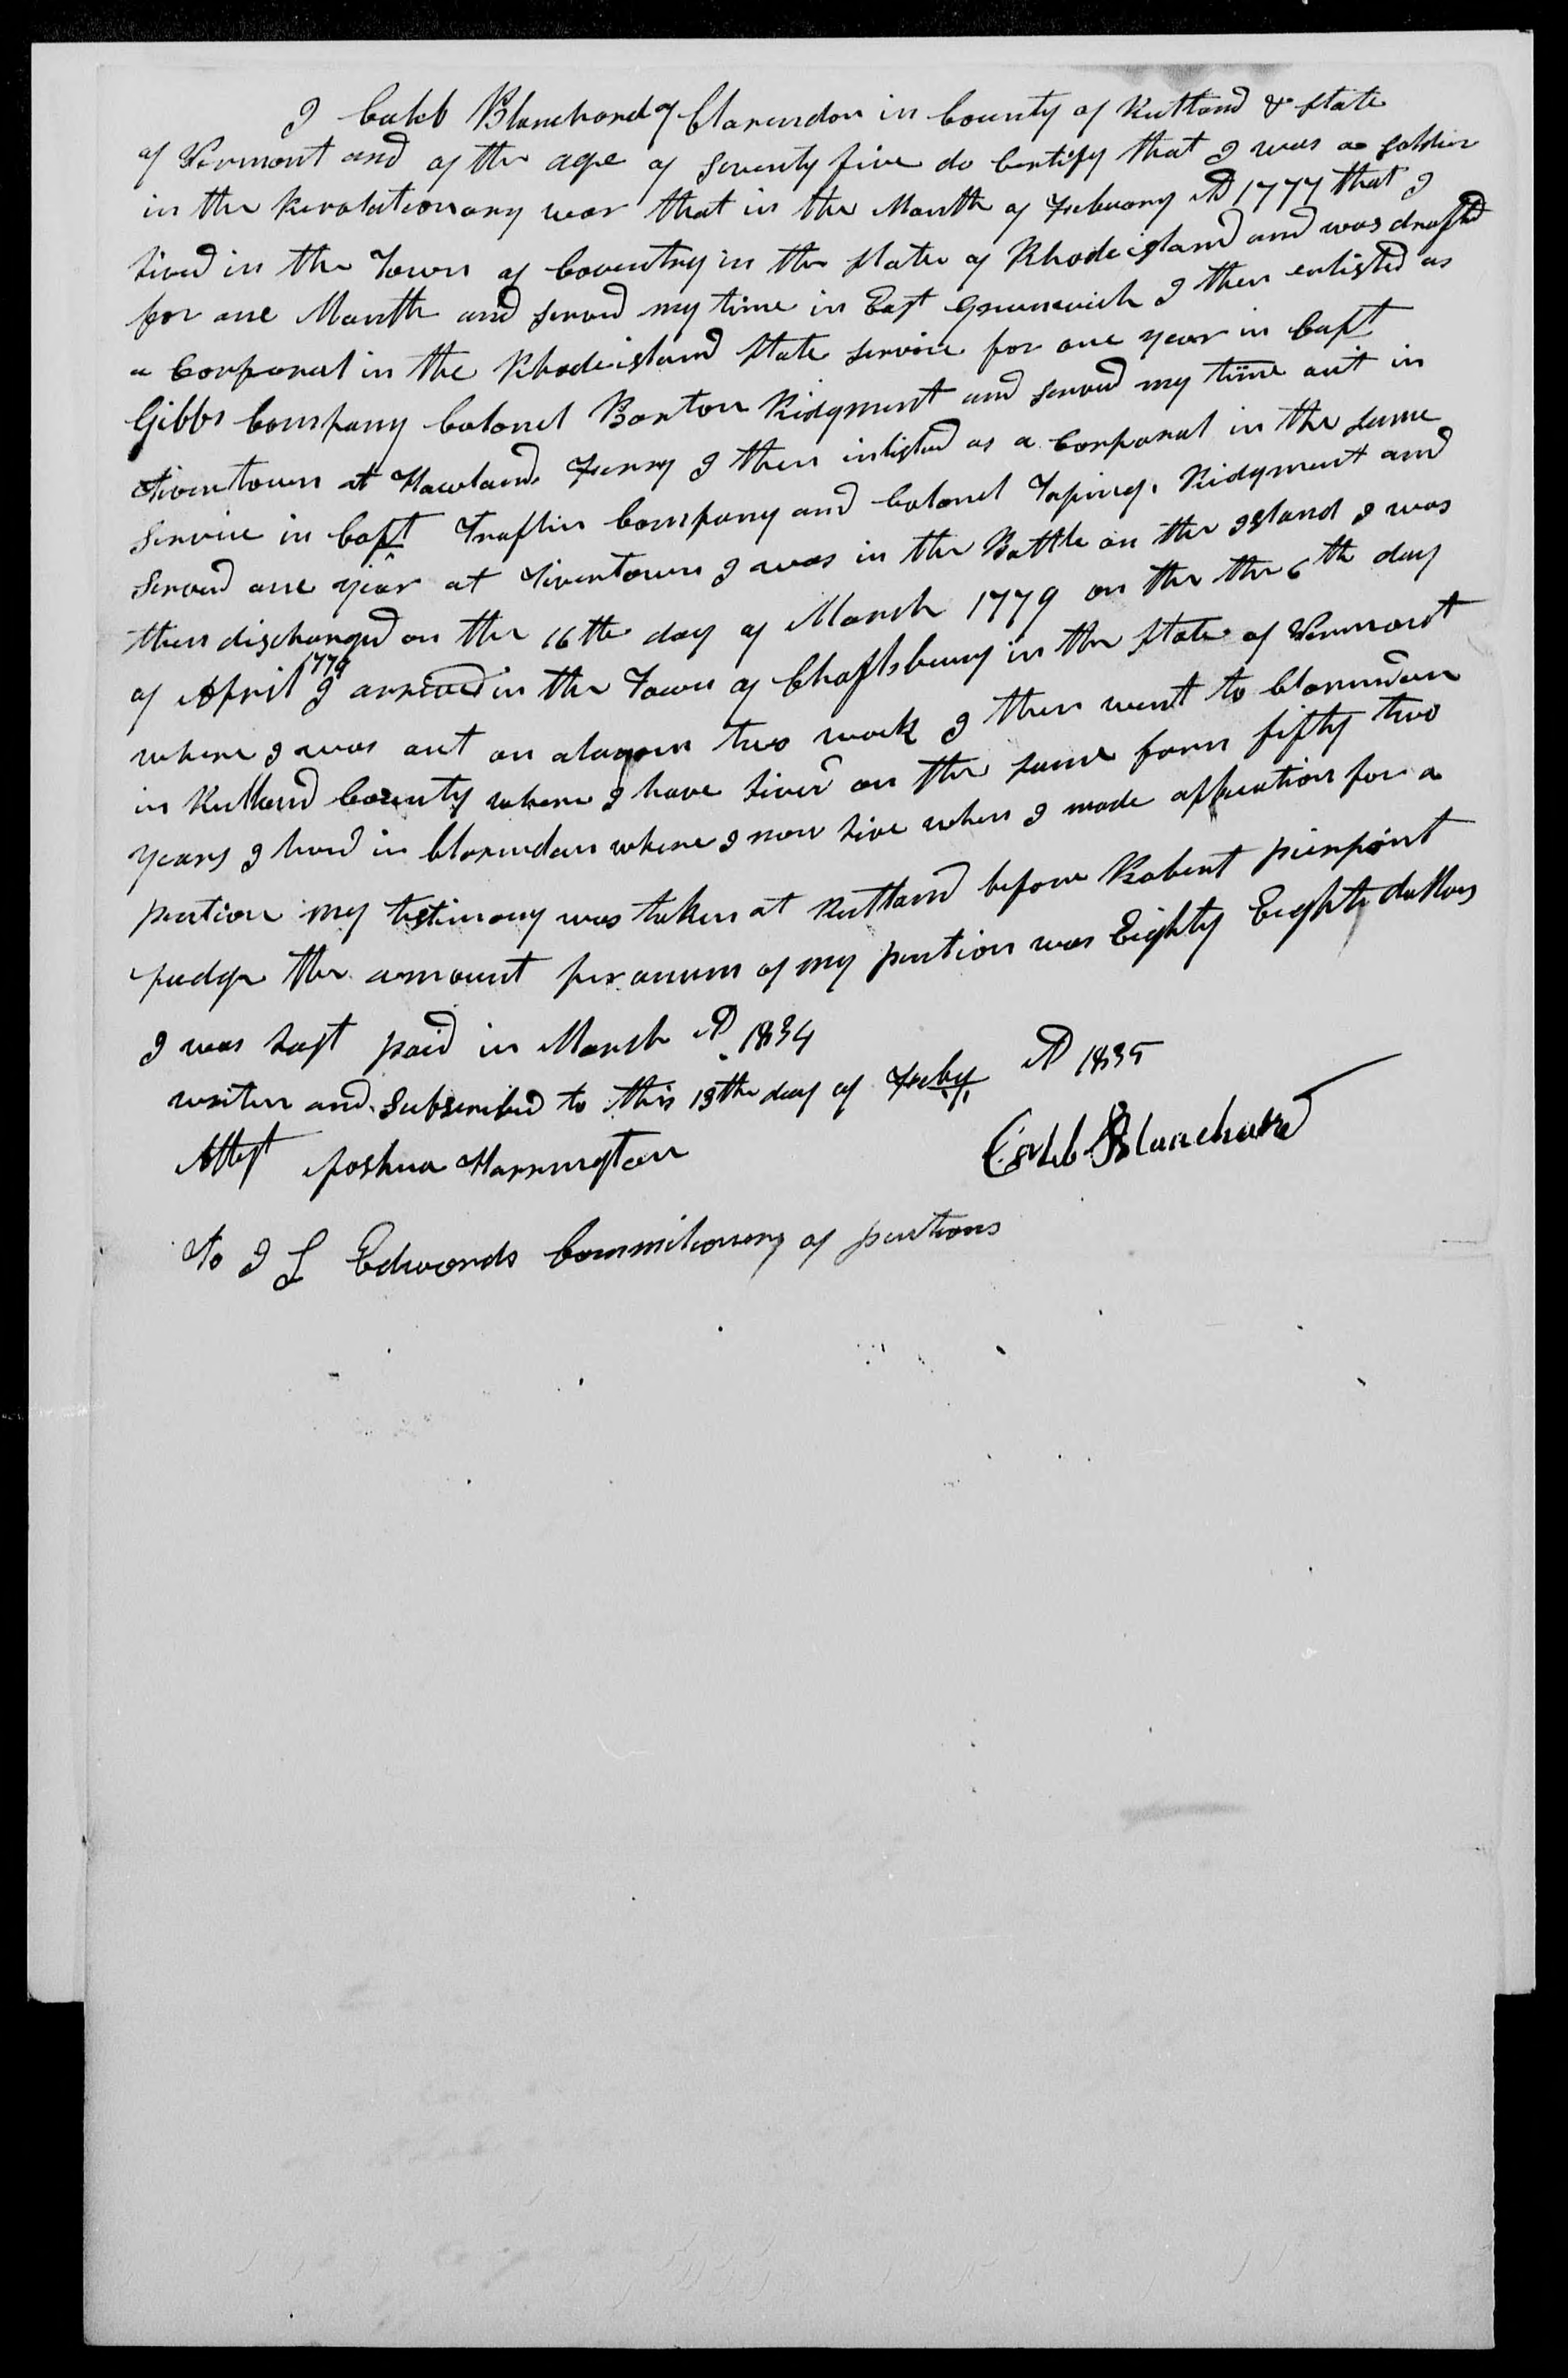I Caleb Blanchard of Clarendon in County of Rutland & State of Vermont and of the
Age of Seventy five do certify that I was a soldier in the Revolutionary war that in the month of February AD 1777 that I lived in the Town of Coventry in the State of Rhode Island and was drafted for one month and served my time in East Greenwich I then enlisted as a
Corporal in the Rhode Island State service for one year in Capt Gibbs Company Colonel Barton Ridgement and served my time out in
Overtown at Howlands Ferry I then enlisted as a corporal in the same Service in Capt Franklin Company and Colonel Taping ridgment and
then discharged on the 16th day of March 1779 on the the 6th day of April 1779 I arrived in the town of Chaftsbury in the State of Vermont where I was out on [illegible] two work I then went to blannden in Hubbard County where I have lived on the same farm fifty two years I lived in clarinden where I now live when I made appintion for a
pention my testimony was taken at Rutland before Robert pierpoint Judge the amount per anum of my pention was Eighty dollars I was last paid in March 1834
writen and subscribed to this 13th day of July
AD 1835
Attest
Joshua Harrington
Caleb Barchard
To J L Edwards Commisioner of pentions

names: J L Edwards, Caleb Blanchard, Caleb Blanchard, Joshua Harrington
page: 7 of 17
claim: survivor's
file: S. 21,645, Caleb Blanchard, R. I.